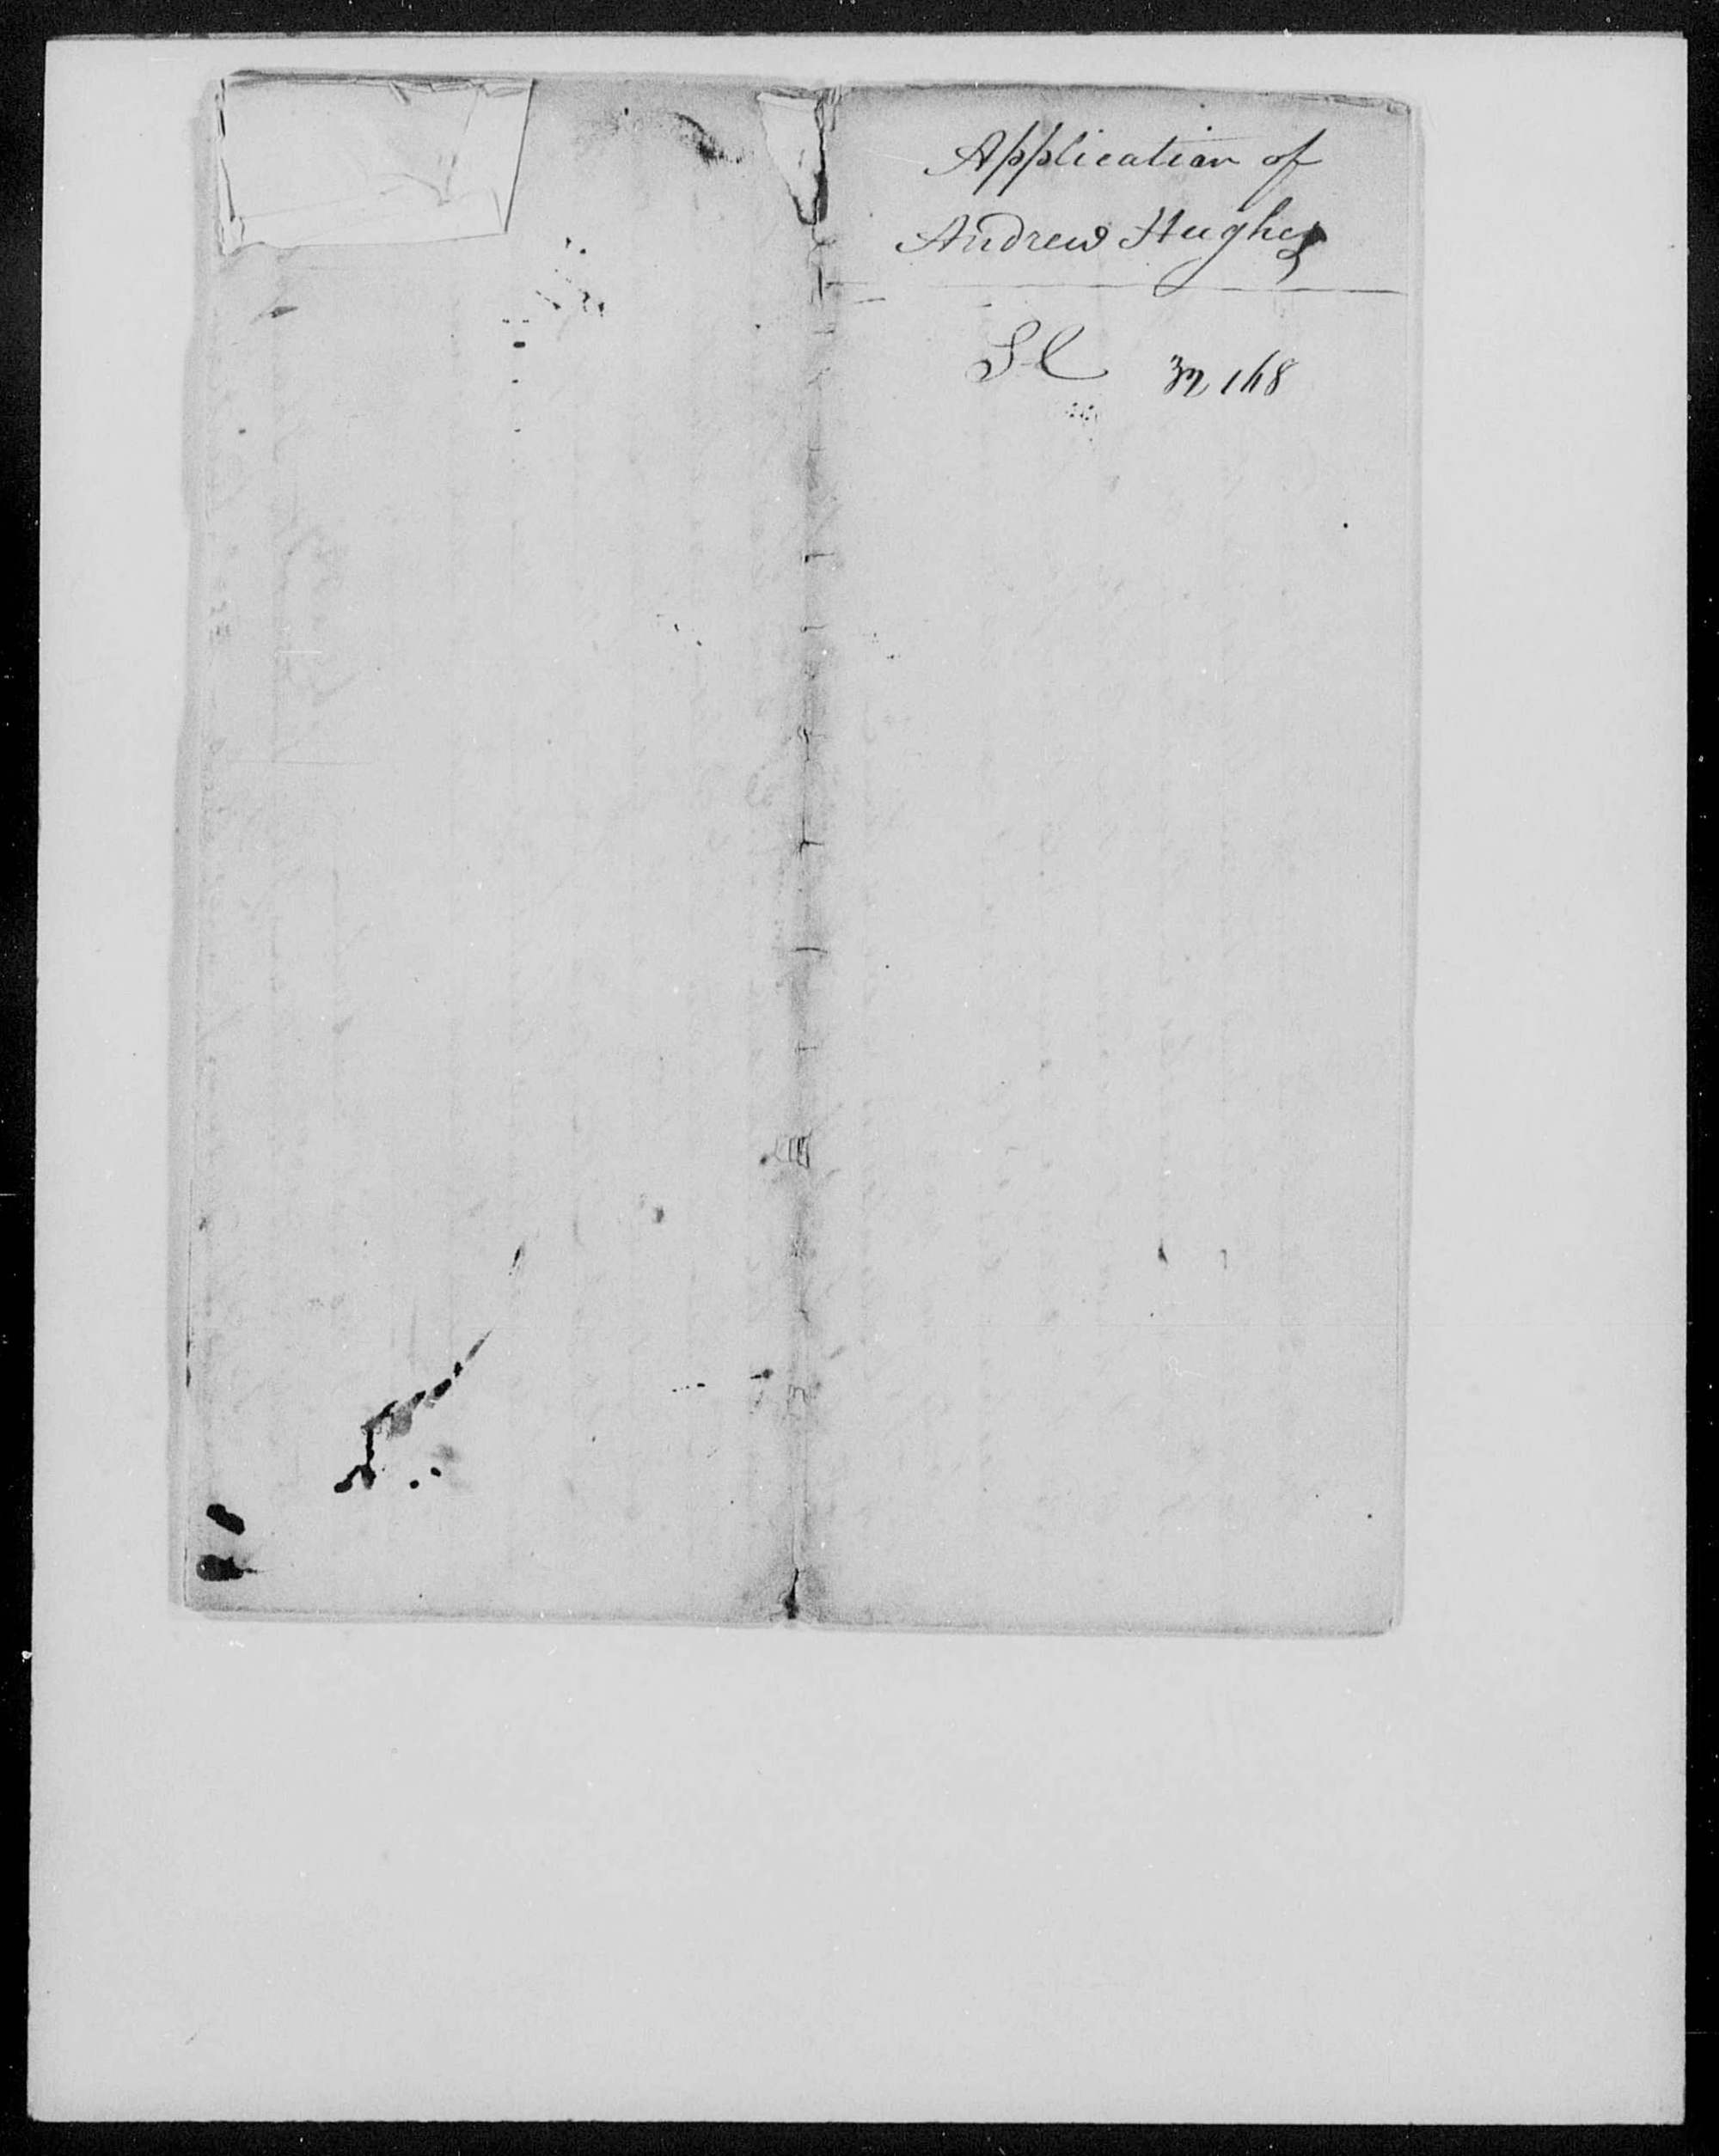Application of
Andrew Hughes
-
SC
32 168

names: Andrew Hughes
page: 5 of 75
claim: widow's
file: W. 25805, Andrew Hughes, N.C.